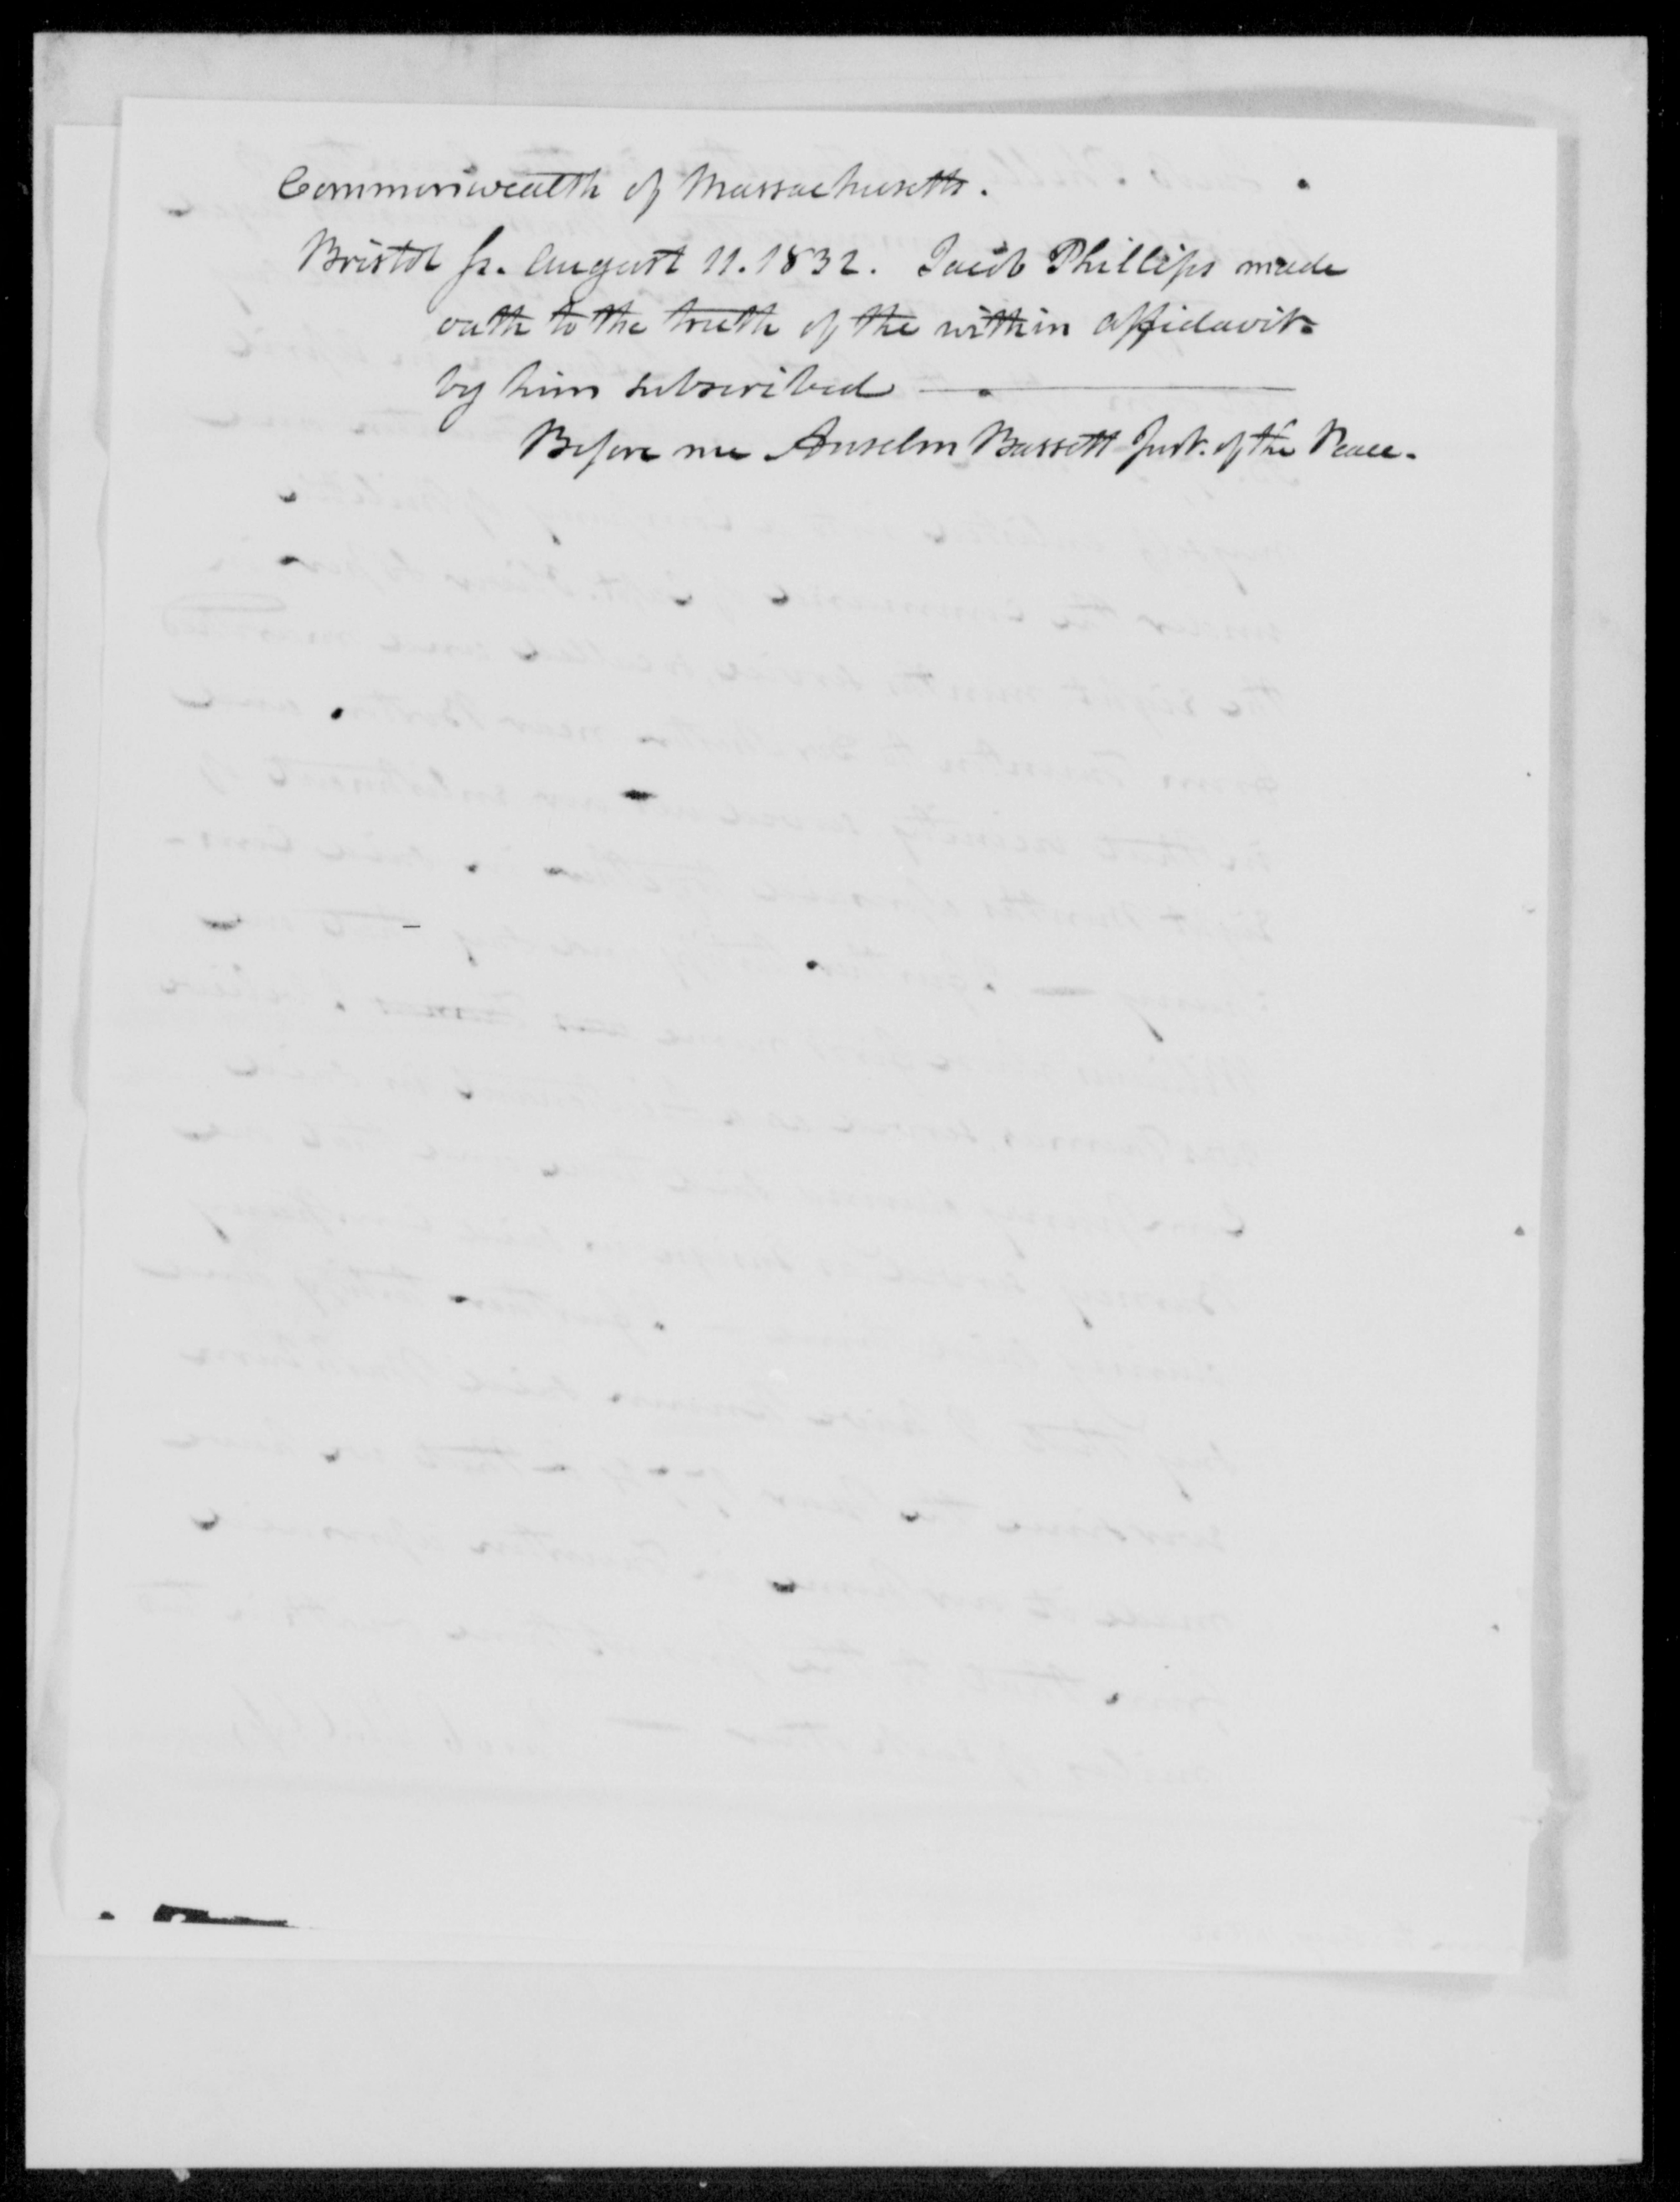Commonwealth of Massachusetts.
  Bristol Ss.   August 11. 1832.

  Jacob Phillips made oath to the truth of the within affidavits by him subscribed—
 Before me Anselm Bassett Just. of the Peace.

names: Anselm Bassett, Jacob Phillips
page: 32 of 34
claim: widow's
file: W. 1677, Isaac Washburn, Mass.